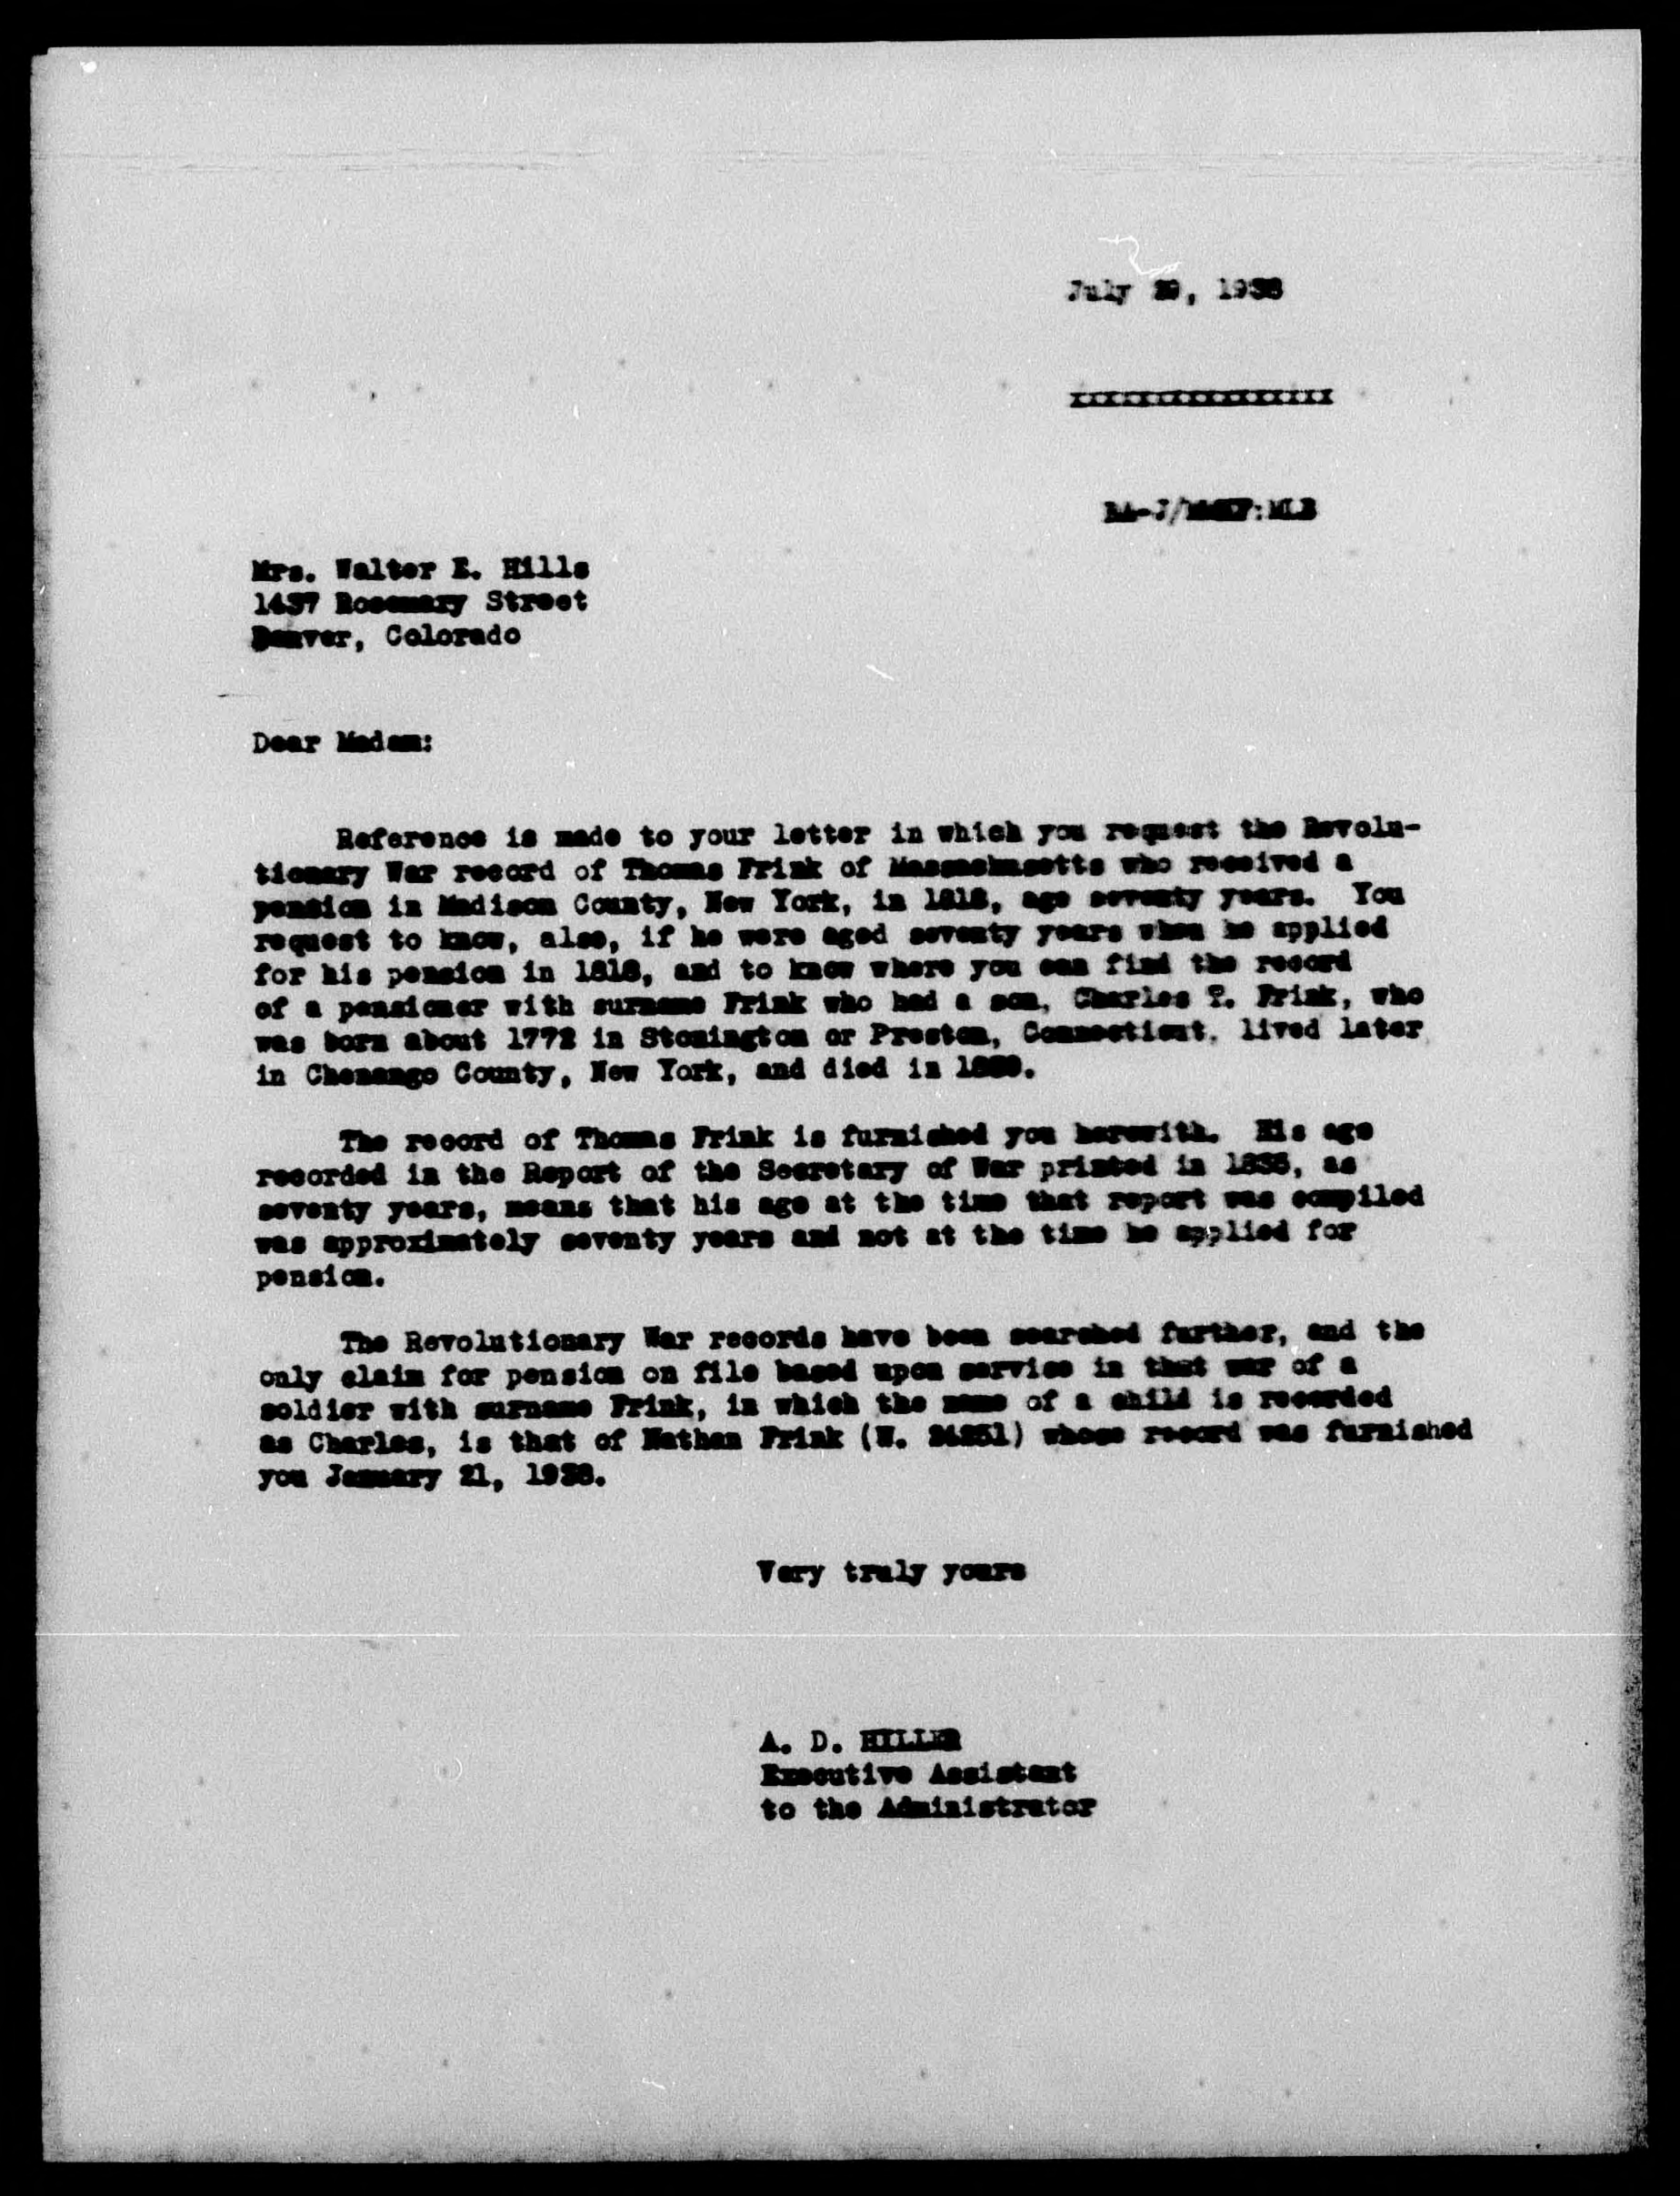July 19, 1936

                                             (illegible)

Mrs. Walter E. Ellis
14 Rosemary Street
Denver, Colorado

Dear Madam:

   Reference is made to your letter in which you request the Revolutionary War record of Thomas Frisk of Massachusetts who received a pension in Madison County, New York in 1818, age seventy years.  You request to know, also, if he were aged seventy years when he applied for his pension in 1818, and to know where you can find the record of a pensioner with surname Frisk who had a son, Charles T. Frisk, who was born about 1772 in Stonington or Preston, Connecticut, lived later in Chenango County, New York, and died in 18(illegible).

The record of Thomas Frink is furnished you herewith.  His age recorded in the Report of the Secretary of War printed in 1836, as seventy years, means that his age at the time that report was compiled was approximately seventy years and not at the time he applied for pension.

    The Revolutionary War records have been searched further, and the only claim for pension on file based upon service in that war of a soldier with surname Frink, in which the name of a child is recorded as Charles, is that of Nathan Frink (W. (illegible number) whose record was furnished you January 21, 1938.

                           Very truly yours

                              A. D. Hiller
                              Executive Assistant
                              to the Administrator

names: Frink, Walter E Ellis, Frink, Charles T Frink, Charles, Thomas Frink, A D Hiller, Thomas Frink, Nathan Frink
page: 33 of 33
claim: survivor's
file: S 43571, Thomas Frink, Mass.